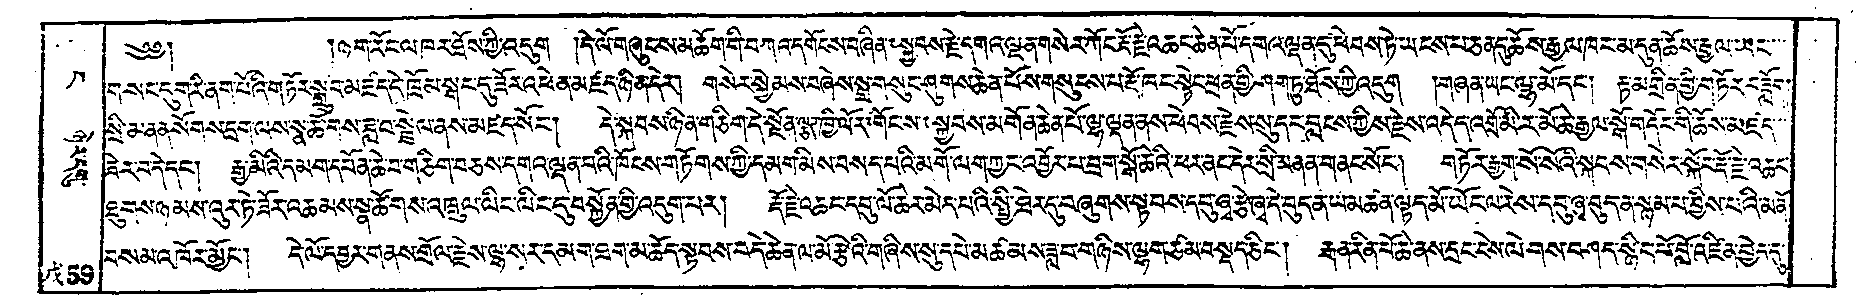༄༅། །ཉག་རོང་ལ་ཁར་ཐོས་ཀྱི་འདུག །དེ་ལོ་གཞུང་ས་མཆོག་གི་བཀའ་དགོངས་བཞིན་༧སྐྱབས་རྗེ་དགའ་ལྡན་གསེར་ཀོང་རྡོ་རྗེ་འཆང་ཆེན་པོ་དགའ་ལྡན་དུ་ཕེབས་ཏེ་ཡངས་པ་ཅན་དུ་ཆོས་རྒྱལ་ཁང་མདུན་ཆོས་རྒྱལ་ཡང་
གསང་དུག་རི་ནག་པོའི་གཏོར་སྒྲུབ་མཛད་དེ་ཁྲོམ་སྒང་དུ་ཟོར་འཕེན་མཛད་ཉིན་དེར། གསེར་སྐྱེམས་བཞེས་སྒྲ་གསུང་ཤུགས་ཆེན་པོས་གསུངས་པ་རྡོ་ཁང་སྟེང་ཕྲན་གྱི་ཤག་ཏུ་ཐོས་ཀྱི་འདུག །གཞན་ཡང་ལྷ་མོ་དང་། རྟ་མགྲིན་གྱི་གཏོར་བཟློག །
སྲི་མནན་སོགས་དྲག་ལས་སྣ་ཚོགས་ཟླ་བ་སྦྲེལ་ནས་མཛད་སོང་། དེ་སྐབས་ཉིན་གཅིག་དེ་སྔོན་ལྕགས་ཁྱི་ལོར་༧གོང་ས་༧སྐྱབས་མགོན་ཆེན་པོ་ལྷ་ལྡན་ནས་ཕེབས་རྗེས་སུ་དང་བླངས་ཀྱིས་རྗེས་འདེད་འགྲོ་མི་ར་མོ་ཆེ་རྒྱལ་སྒོ་གདོང་གི་ཆོས་མཛད་
ཟེར་བ་དེ་དང་། རྒྱ་མིའི་དམག་དཔོན་ཆེ་བ་གཅིག་བཅས་དགའ་ལྡན་པའི་ཁོངས་གཏོགས་ཀྱི་དམག་མིས་བསད་པའི་མགོ་ལག་ཀྱང་འབྱོར་པ་བྲག་སྒོ་ཆེའི་ཕར་ནང་དེར་སྲི་མནན་གནང་སོང་། གཏོར་རྒྱག་སོ་སོའི་སྐབས་གསེར་སྐོང་རྡོ་རྗེ་འཆང་
ཐུགས་ཉམས་འུར་ཏེ་ཟོར་འཆམས་སྣ་ཚོགས་འཁྲུལ་ལིང་ལིང་དུ་བསྐྱོན་གྱི་འདུག་པར། རྡོ་རྗེ་འཆང་དབུ་ལོ་ཆེར་མེད་པའི་སྤྱི་ཐེར་དུ་བཞུགས་སྟབས་དབུ་ཞྭ་རྩེ་ཞྭ་དེ་བུད་ན་ཡ་མཚན་ལྟད་མོ་ཡོང་ལ་རེས་དབུ་ཞྭ་བུད་ན་སྙམ་པ་བྱིས་པའི་མནོ་
བསམ་འཁོར་མྱོང་། དེ་ལོ་དབྱར་གནས་གྲོལ་རྗེས་ལྷ་སར་དམག་ཐག་མ་ཆོད་སྟབས་བདེ་ཆེན་ལ་མོ་རྩེའི་གཞིས་སུ་དཔེ་མཚམས་ཟླ་བ་གཉིས་ལྷག་ཙམ་བསྡད་ཅིང་། རྒན་རིན་པོ་ཆེ་ནས་དྲང་ངེས་ལེགས་བཤད་སྙིང་པོ་བློ་འཛིན་བྱེད་དུ་